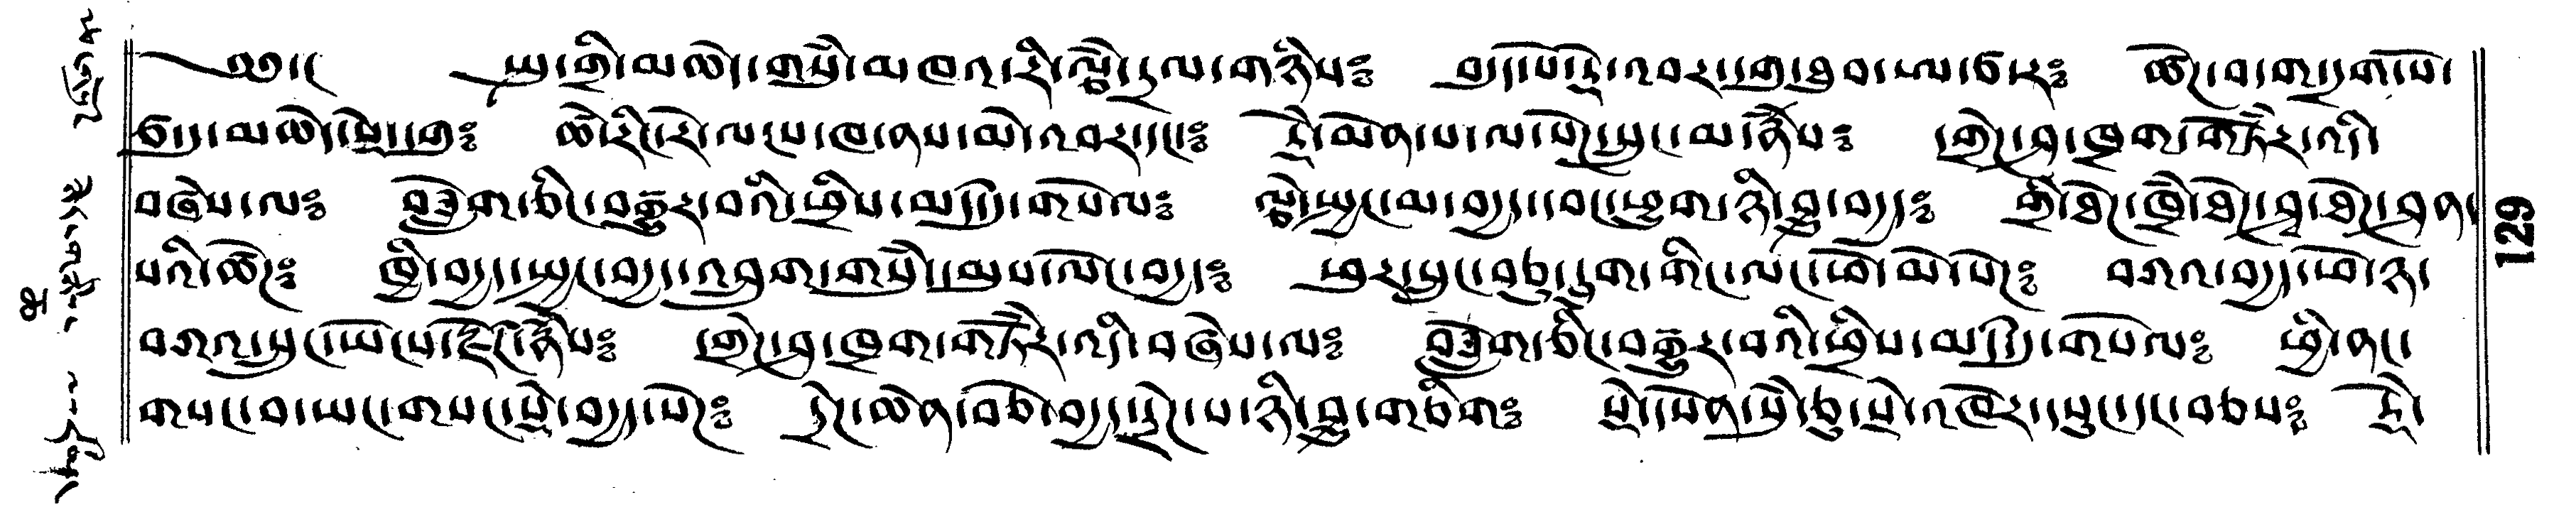སྤུ་གྲི་མཆེད་གསུམ་མཁའ་རི་ལྕམ་དྲལ་གཉིས༔ བདུད་པོ་རྡོ་འབར་དགུ་ཐུབ་ཨ་ཙ་ར༔ ཚོགས་བདག་དྲག་པོ་
ཙ་དུ་མཆེད་སྡེ་དགུ༔ ཚེ་རིང་རོ་ལངས་ཁ་ནས་མེ་འབར་དང༔ རྡོ་རྗེ་མོན་པ་ལ་སོགས་སྲུང་མ་རྣམས༔ དགྲ་བགེགས་ཤ་ཁྲག་གཏོར་མ་འདི་
བཞེས་ལ༔ བཟློག་ཅིང་བསྒྱུར་བའི་ཕྲིན་ལས་མཛད་དུ་གསོལ༔ ལྕེ་སྤྱང་མ་བརྒྱད་དབང་ཕྱུག་ཉི་ཤུ་བརྒྱད༔ གྲི་ཐོགས་ཁྲམ་ཐོགས་ཤྭ་ཐོགས་ཤན་
པའི་ཚོགས༔ ཁྱི་བརྒྱད་སྤྱང་བརྒྱད་འབྲུག་གསུམ་དམུས་ལོང་བརྒྱད༔ ཕུར་སྲུང་བཅུ་དྲུག་གིང་ལང་ཕོ་མོ་སོགས༔ བཀའ་བརྒྱད་ཕོ་ཉ་
བཀའ་སྲུང་ཡོངས་རྫོགས་རྣམས༔ དགྲ་བགེགས་ཤ་ཁྲག་གཏོར་མ་འདི་བཞེས་ལ༔ བཟློག་ཅིང་བསྒྱུར་བའི་ཕྲིན་ལས་མཛད་དུ་གསོལ༔ ཕྱི་ནང་
གསང་བ་ཡང་གསང་སྡེ་བརྒྱད་སོགས༔ དྲེགས་ཆེན་བཅོ་བརྒྱད་དྲེགས་པ་ཉི་ཤུ་གཅིག༔ སྡེ་དཔོན་སུམ་ཅུ་སྡེ་འཁོར་དཔུང་དང་བཅས༔ རྡོ་རྗེ་